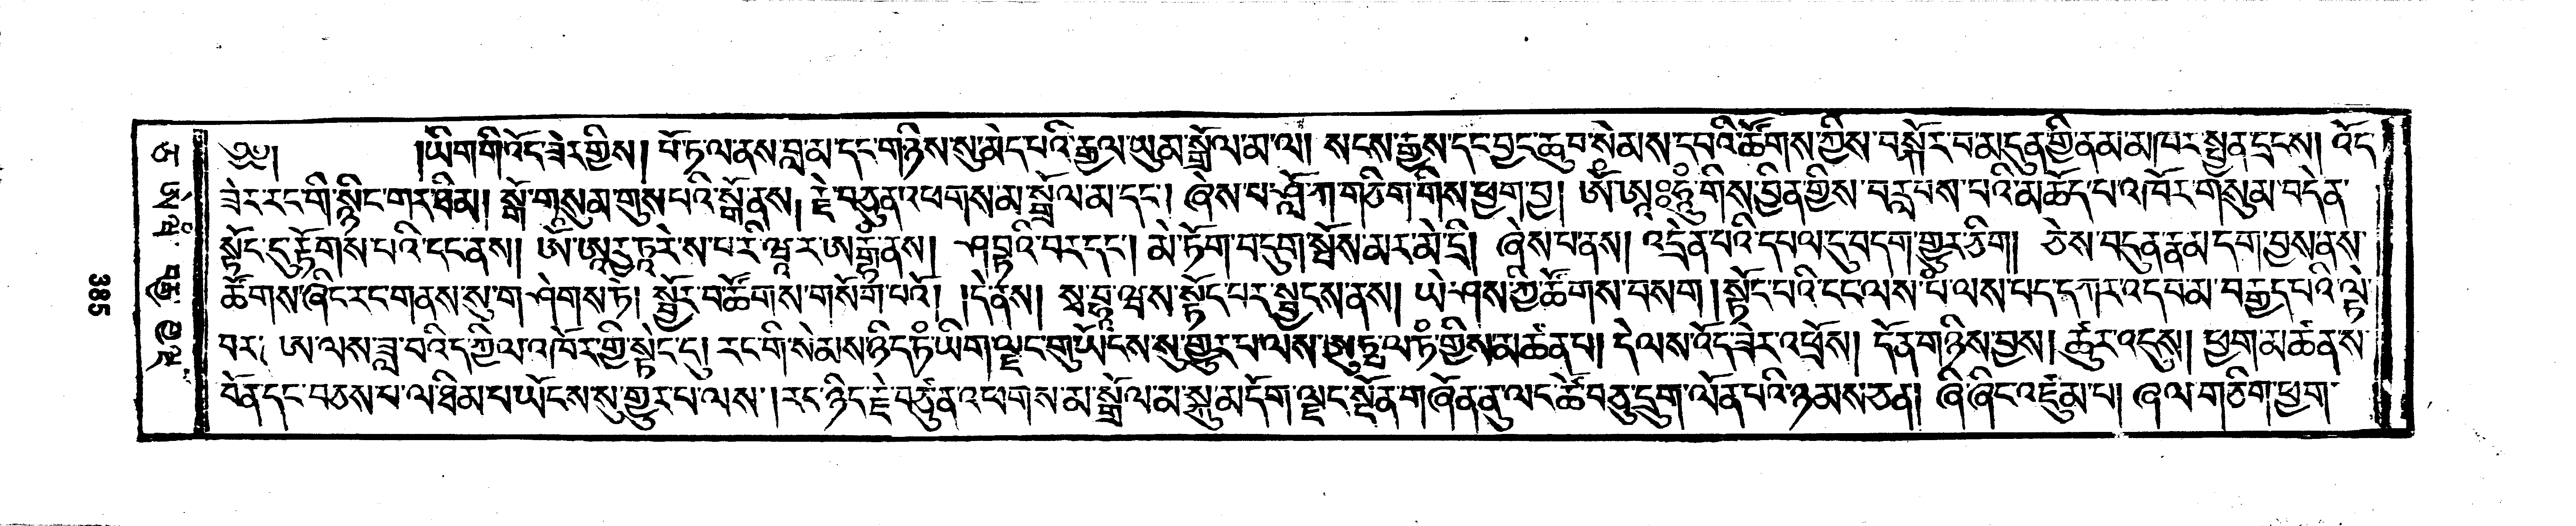༄༅། །ཡིག་གི་འོད་ཟེར་གྱིས། པོ་ཏ་ལ་ནས་བླ་མ་དང་གཉིས་སུ་མེད་པའི་རྒྱལ་ཡུམ་སྒྲོལ་མ་ལ། སངས་རྒྱས་དང་བྱང་ཆུབ་སེམས་དཔའི་ཚོགས་ཀྱིས་བསྐོར་བ་མདུན་གྱི་ནམ་མཁར་སྤྱན་དྲངས། འོད་
ཟེར་རང་གི་སྙིང་གར་ཐིམ། སྒོ་གསུམ་གུས་པའི་སྒོ་ནས། རྗེ་བཙུན་འཕགས་མ་སྒྲོལ་མ་དང་། ཞེས་པ་ཤློ་ཀ་གཅིག་གིས་ཕྱག་བྱ། ཨོཾ་ཨཱཿ ཧཱུཾ་གིས་བྱིན་གྱིས་བརླབས་པའི་མཆོད་པ་འཁོར་གསུམ་བདེན་
སྟོང་དུ་རྟོགས་པའི་ངང་ནས། ཨོཾ་ཨཱརྱ་ཏཱ་རེ་ས་པ་རི་ཝཱ་ར་ཨརྒྷཾ་ནས། ཤཔྟའི་བར་དང་། མེ་ཏོག་བདུག་སྤོས་མར་མེ་དྲི། ཞེས་པ་ནས། འདྲེན་པའི་དཔལ་དུ་བདག་གྱུར་ཅིག །ཅེས་བདུན་རྣམ་དག་བྱས་ནས་
ཚོགས་ཞིང་རང་གནས་སུ་གཤེགས་ཏེ། སྦྱོར་བ་ཚོགས་གསོག་པའོ། །དེ་ནས། སྭ་བྷ་ཝས་སྟོང་པར་སྦྱངས་ནས། ཡེ་ཤེས་ཀྱི་ཚོགས་བསག །སྟོང་པའི་ངང་ལས་པཾ་ལས་པད་དཀར་འདབ་མ་བརྒྱད་པའི་ལྟེ་
བར། ཨ་ལས་ཟླ་བའི་དཀྱིལ་འཁོར་གྱི་སྟེང་དུ། རང་གི་སེམས་ཉིད་ཏཾ་ཡིག་ལྗང་ཁུ་ཡོངས་སུ་གྱུར་པ་ལས་ཨུཏྤལ་ཏཾ་གྱིས་མཚན་པ། དེ་ལས་འོད་ཟེར་འཕྲོས། དོན་གཉིས་བྱས། ཚུར་འདུས། ཕྱག་མཚན་ས་
བོན་དང་བཅས་པ་ལ་ཐིམ་པ་ཡོངས་སུ་གྱུར་པ་ལས། རང་ཉིད་རྗེ་བཙུན་འཕགས་མ་སྒྲོལ་མ་སྐུ་མདོག་ལྗང་སྔོན་གཞོན་ནུ་ལང་ཚོ་བཅུ་དྲུག་ལོན་པའི་ཉམས་ཅན། ཞི་ཞིང་འཛུམ་པ། ཞལ་གཅིག་ཕྱག་